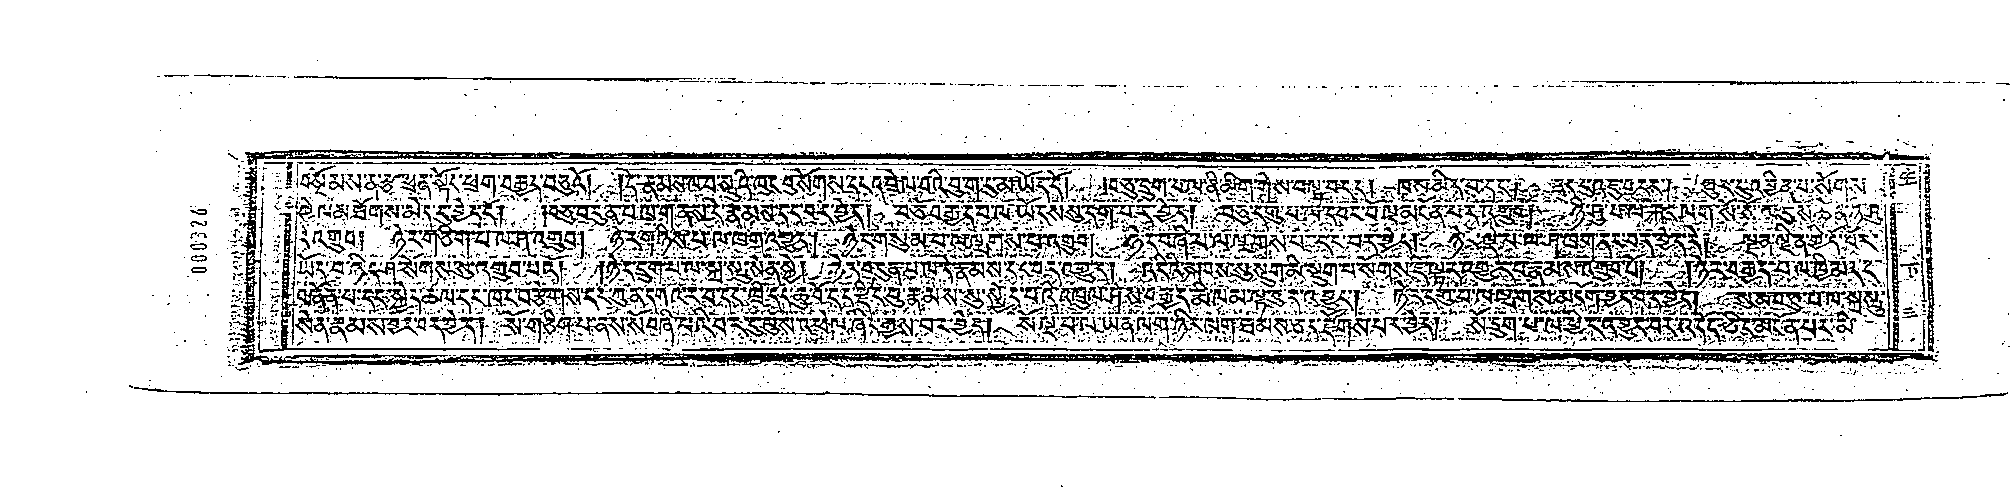བསྔོམས་ན་རྩ་ཕྲན་སྟོང་ཕྲག་བརྒྱད་བཅུའོ། །དེ་རྣམས་ལ་བ་སྤུའི་ཁུང་བུ་སོགས་དང་འབྲེལ་བའི་བུ་ག་དུ་མ་ཡོད་དོ། །བཅུ་དྲུག་པ་ལ་ནི་མིག་གིས་བལྟ་བ་དང་། ཁས་མིད་པ་དང་། ནང་དུ་འཇུ་བ་དང་། ཐུར་དུ་འབྱིན་པ་སོགས་
ཀྱི་ལམ་ཐོགས་མེད་དུ་བྱེད་དོ། །བཅུ་བདུན་པ་ལ་གནས་དེ་རྣམས་དང་བར་བྱེད། བཅོ་བརྒྱད་བ་ལ་ཡོངས་སུ་དག་པར་བྱེད། བཅུ་དགུ་པ་ལ་དབང་པོ་ལྔ་མངོན་པར་འགྲུབ། ཉི་ཤུ་པ་ལ་རྐང་ལག་སོ་སོ་ལ་དུས་ཆེན་ཉི་ཤུ་
རེ་འགྲུབ། ཉེར་གཅིག་པ་ལ་ཤ་འགྲུབ། ཉེར་གཉིས་པ་ལ་ཁྲག་འབྱུང་། ཉེད་གསུམ་པ་ལ་ལྤགས་པ་འགྲུབ། ཉེད་བཞི་པ་ལ་ལྤགས་པ་དང་བར་བྱེད། ཉེར་ལྔ་པ་ལ་ཤ་ཁྲག་དང་བར་བྱེད་དེ། ལྗན་ལྗིན་གྱི་ངོ་བོར་
ཡོད་བ་ཉིད་ཤ་སོགས་སུ་འགྲུབ་པའོ། །ཉེད་དྲུག་པ་ལ་སྐྲ་སྤུ་སེན་སྐྱེ། ཉེར་བདུན་པ་ལ་དེ་རྣམས་དང་བར་འགྱུར། འདིའི་སྐབས་སུ་སྡུག་མི་སྡུག་པ་སོགས་ཇི་ལྟར་འགྱུར་བ་རྣམས་འགྲུབ་བོ། །ཉེར་བརྒྱད་པ་ལ་ཁྱིམ་དང་
བཞོན་པ་དང་སྐྱེད་ཚ་ལ་དང་ཁང་བརྩེགས་དང་ཀུན་དགའ་ར་བ་རང་ཁྲི་དང་ཆུ་བོ་དང་རྫིང་བུ་རྣམས་སུ་སྤྱེད་པའི་འཁྲུལ་ཤེས་བརྒྱད་རྨི་ལམ་ལྟ་བུར་འབྱུང་། ཉེར་དགུ་པ་ལ་ལྤགས་མདོག་བྱད་བར་བྱེད། སུམ་བཅུ་པ་ལ་སྐྲ་སྤུ་
སེན་རྣམས་བྱང་བར་བྱེད། སོ་གཅིག་པ་ནས་སོ་བཞི་པའི་བར་དུ་ལུས་འཕེལ་ཞིང་རྒྱས་པར་བྱེད། སོ་ལྔ་པ་ལ་ཡན་ལག་ཉིང་ལག་ཐམས་ཅད་རྫོགས་པར་བྱེད། སོ་དྲུག་པ་ལ་ཕྱིར་འབྱུང་བར་འདོད་ཅིང་མངོན་པར་མི་